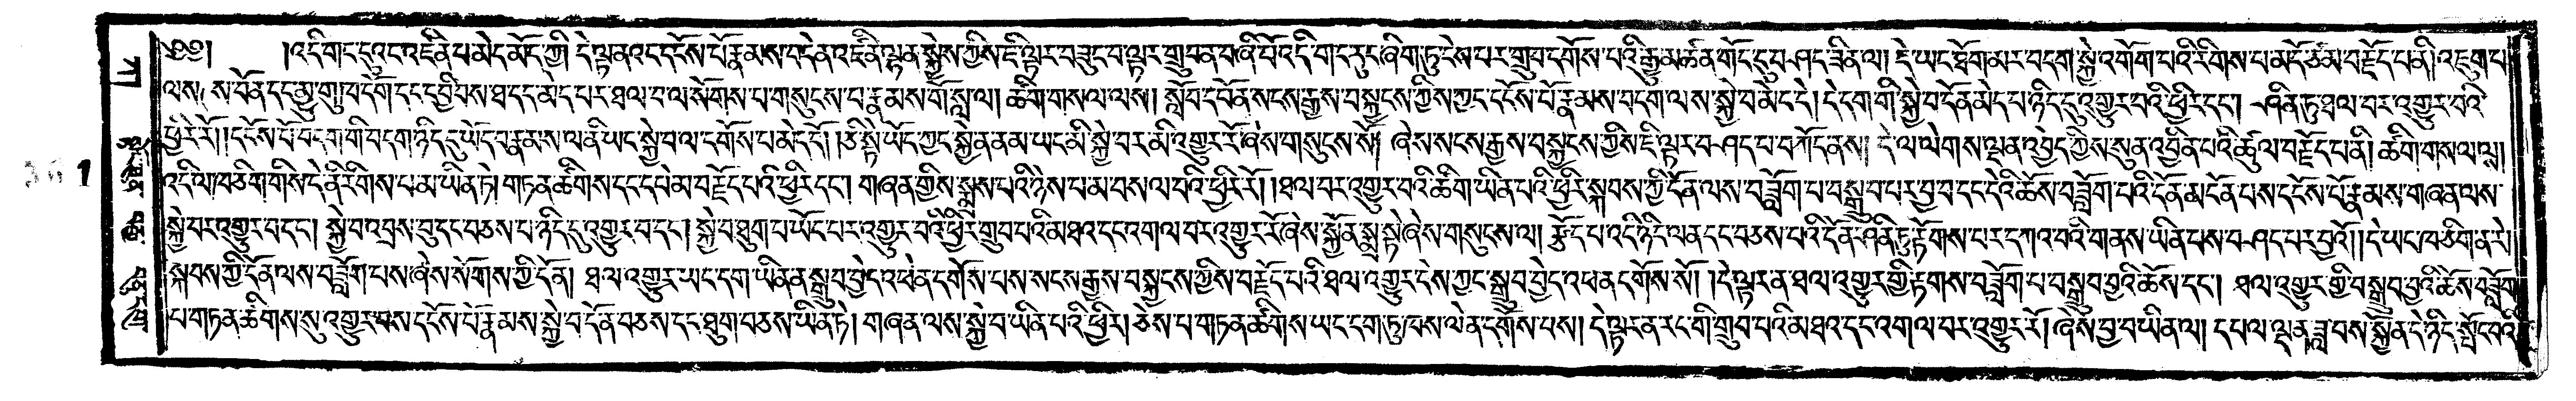༄༅། །འདི་གང་དུའང་འཛིན་པ་མེད་མོད་ཀྱི། དེ་ལྟ་ནའང་དངོས་པོ་རྣམས་བདེན་འཛིན་ལྷན་སྐྱེས་ཀྱིས་ཇི་ལྟར་བཟུང་བ་ལྟར་གྲུབ་ན་བཞི་བོ་འདི་གང་རུང་ཞིག་ཏུ་ངེས་པར་གྲུབ་དགོས་པའི་རྒྱུ་མཚན་གོང་དུ་བཤད་ཟིན་ལ། དེ་ཡང་ཐོག་མར་བདག་སྐྱེ་འགོག་པའི་རིགས་པ་མདོ་ཙམ་བརྗོད་པ་ནི། འཇུག་པ་
ལས༑ ས་བོན་དང་མྱུ་གུ་ཁ་དོག་དང་དབྱིབས་ཐ་དད་མེད་པར་ཐལ་བ་ལ་སོགས་པ་གསུངས་པ་རྣམས་གོ་སླ་ལ། ཚིག་གསལ་ལས། སློབ་དཔོན་སངས་རྒྱས་བསྐྱངས་ཀྱིས་ཀྱང་དངོས་པོ་རྣམས་བདག་ལས་སྐྱེ་བ་མེད་དེ། དེ་དག་གི་སྐྱེ་བ་དོན་མེད་པ་ཉིད་དུ་འགྱུར་བའི་ཕྱིར་དང་། ཤིན་ཏུ་ཐལ་བར་འགྱུར་བའི་
ཕྱིར་རོ། །དངོས་པོ་བདག་གི་བདག་ཉིད་དུ་ཡོད་བ་རྣམས་ལ་ནི་ཡང་སྐྱེ་བ་ལ་དགོས་པ་མེད་དོ། །ཅི་སྟེ་ཡོད་ཀྱང་སྐྱེ་ན་ནམ་ཡང་མི་སྐྱེ་བར་མི་འགྱུར་རོ་ཞེས་གསུངས་སོ། ཞེས་སངས་རྒྱས་བསྐྱངས་ཀྱིས་ཇི་ལྟར་བཤད་བ་བཀོད་ནས། དེ་ལ་ལེགས་ལྡན་འབྱེད་ཀྱིས་སུན་འབྱིན་པའི་ཚུལ་བརྗོད་པ་ནི། ཚིག་གསལ་ལས།
འདི་ལ་ཁ་ཅིག་གིས་དེ་ནི་རིགས་པ་མ་ཡིན་ཏེ། གཏན་ཚིགས་དང་དཔེ་མ་བརྗོད་པའི་ཕྱིར་དང་། གཞན་གྱིས་སྨྲས་པའི་ཉེས་པ་མ་བསལ་བའི་ཕྱིར་རོ། །ཐལ་བར་འགྱུར་བའི་ཚིག་ཡིན་པའི་ཕྱིར་སྐབས་ཀྱི་དོན་ལས་བཟློག་པ་བསྒྲུབ་པར་བྱ་བ་དང་དེའི་ཆོས་བཟློག་པའི་དོན་མངོན་པས་དངོས་པོ་རྣམས་གཞན་ལས་
སྐྱེ་བར་འགྱུར་བ་དང་། སྐྱེ་བ་འབྲས་བུ་དང་བཅས་པ་ཉིད་དུ་འགྱུར་བ་དང་། སྐྱེ་བ་ཐུག་པ་ཡོད་པར་འགྱུར་བའི་ཕྱིར་གྲུབ་པའི་མཐའ་དང་འགལ་བར་འགྱུར་རོ་ཞེས་སྐྱོན་སྨྲ་སྟེ་ཞེས་གསུངས་ལ། རྩོད་པ་འདི་ཉིད་ལན་དང་བཅས་པའི་དོན་ཤིན་ཏུ་རྟོགས་པར་དཀའ་བའི་གནས་ཡིན་པས་བཤད་པར་བྱའོ། །དེ་ཡང་ཁ་ཅིག་ན་རེ།
སྐབས་ཀྱི་དོན་ལས་བཟློག་པས་ཞེས་སོགས་ཀྱི་དོན། ཐལ་འགྱུར་ཡང་དག་ཡིན་ན་སྒྲུབ་བྱེད་འཕེན་དགོས་པས་སངས་རྒྱས་བསྐྱངས་ཀྱིས་བརྗོད་པའི་ཐལ་འགྱུར་དེས་ཀྱང་སྒྲུབ་བྱེད་འཕན་དགོས་སོ། །དེ་ལྟར་ན་ཐལ་འགྱུར་གྱི་རྟགས་བཟློག་པ་བསྒྲུབ་བྱའི་ཆོས་དང་། ཐལ་འགྱུར་གྱི་བསྒྲུབ་བྱའི་ཆོས་བཟློག་
པ་གཏན་ཚིགས་སུ་འགྱུར་བས་དངོས་པོ་རྣམས་སྐྱེ་བ་དོན་བཅས་དང་ཐུག་བཅས་ཡིན་ཏེ། གཞན་ལས་སྐྱེ་བ་ཡིན་པའི་ཕྱིར། ཅེས་པ་གཏན་ཚིགས་ཡང་དག་ཏུ་ཁས་ལེན་དགོས་པས། དེ་ལྟར་ན་རང་གི་གྲུབ་པའི་མཐའ་དང་འགལ་བར་འགྱུར་རོ། ཞེས་བྱ་བ་ཡིན་ལ། དཔལ་ལྡན་ཟླ་བས་སྐྱོན་དེ་ཉིད་སྤོང་བའི་